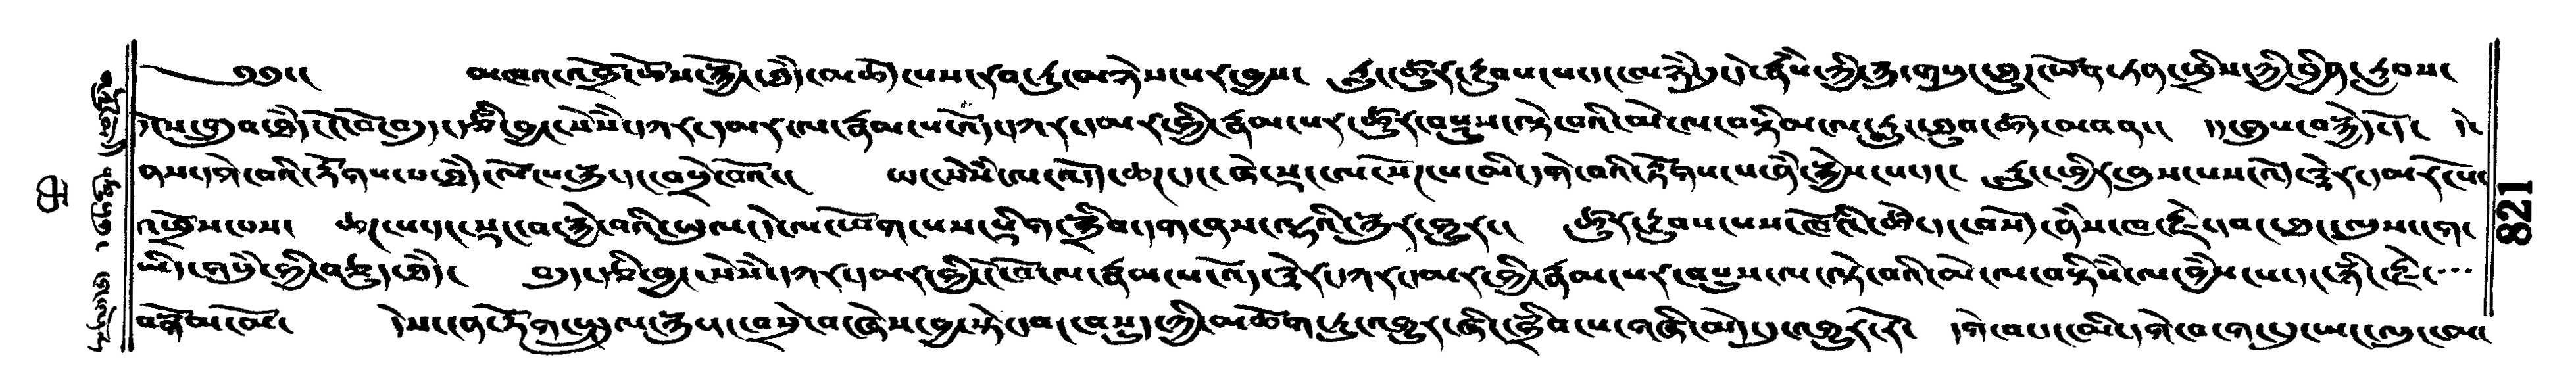མཁའ་འགྲོ་ཆོས་སྐྱོང་ཐམས་ཅད་མཆོད་པས་རབ་ཏུ་མཉེས་པར་བྱས། རླུང་ཚུར་རྔུབས་པ་དང་མཉམ་དུ་དེ་རྣམས་ཀྱི་སྐུ་གསུང་ཐུགས་ཡོན་ཏན་ཕྲིན་ལས་ཀྱི་བྱིན་རླབས་
དངོས་གྲུབ་ཐམས་ཅད་ངོ་བོ་བདུད་རྩི་བྱང་སེམས་དཀར་དམར་ལ་རྣམ་པ་འོད་དཀར་དམར་གྱི་རྣམ་པར་ཚུར་བསྡུས་ལྟེ་བའི་མེ་ལ་བསྟིམ་ལ་རླུང་ཐུབ་ཚད་མནན། དད་གུས་བསྐྱེད་དོ། དེ་
ནས་དགེ་བའི་རྟོག་པ་ཐམས་ཅད་ལོངས་སྐུ་དང་བསྲེ་བའོ། ཡང་སེམས་ལ་འདོད་ཆགས་དང་ཞེ་སྡང་ལ་སོགས་པ་མི་དགེ་བའི་རྟོག་པ་ནམ་སྐྱེས་པ་དང་། རླུང་ཕྱིར་བུས་པས་འོད་ཟེར་དམར་པོ་
འཕྲོས་པས། ཆགས་པ་དང་སྡང་བ་སྐྱེ་བའི་ཡུལ་དེ་ལ་ཕོག་པས་སྡིག་སྒྲིབ་དག་ནས་ལྷའི་སྐུར་གྱུར། ཚུར་རྔུབས་པས་ཁོའི་ཚེ་དང་བསོད་ནམས་ཁ་རྗེ་དབང་ཐང་ལུས་ངག་
ཡིད་གསུམ་གྱིས་བཅུད་ཐམས་ཅད། བདུད་རྩི་བྱང་སེམས་དཀར་དམར་གྱི་ངོ་བོ་ལ་རྣམ་པ་འོད་ཟེར་དཀར་དམར་གྱི་རྣམ་པར་བསྡུས་ལ་ལྟེ་བའི་མེ་ལ་བསྟིམ་ལ་བྱམས་པ་དང་སྙིང་རྗེ་
བསྒོམ་མོ། དེས་ངན་རྟོག་སྤྲུལ་སྐུ་དང་བསྲེ་བ་ཞེས་བྱ་སྟེ་དབང་བསྡུད་ཀྱི་མཆོག་ཏུ་འགྱུར་ཞིང་སྒྲིབ་པ་གཞི་མེད་དུ་འགྱུར་རོ།དགེ་བ་དང་མི་དགེ་བ་གང་དུ་ཡང་ལུང་མ་